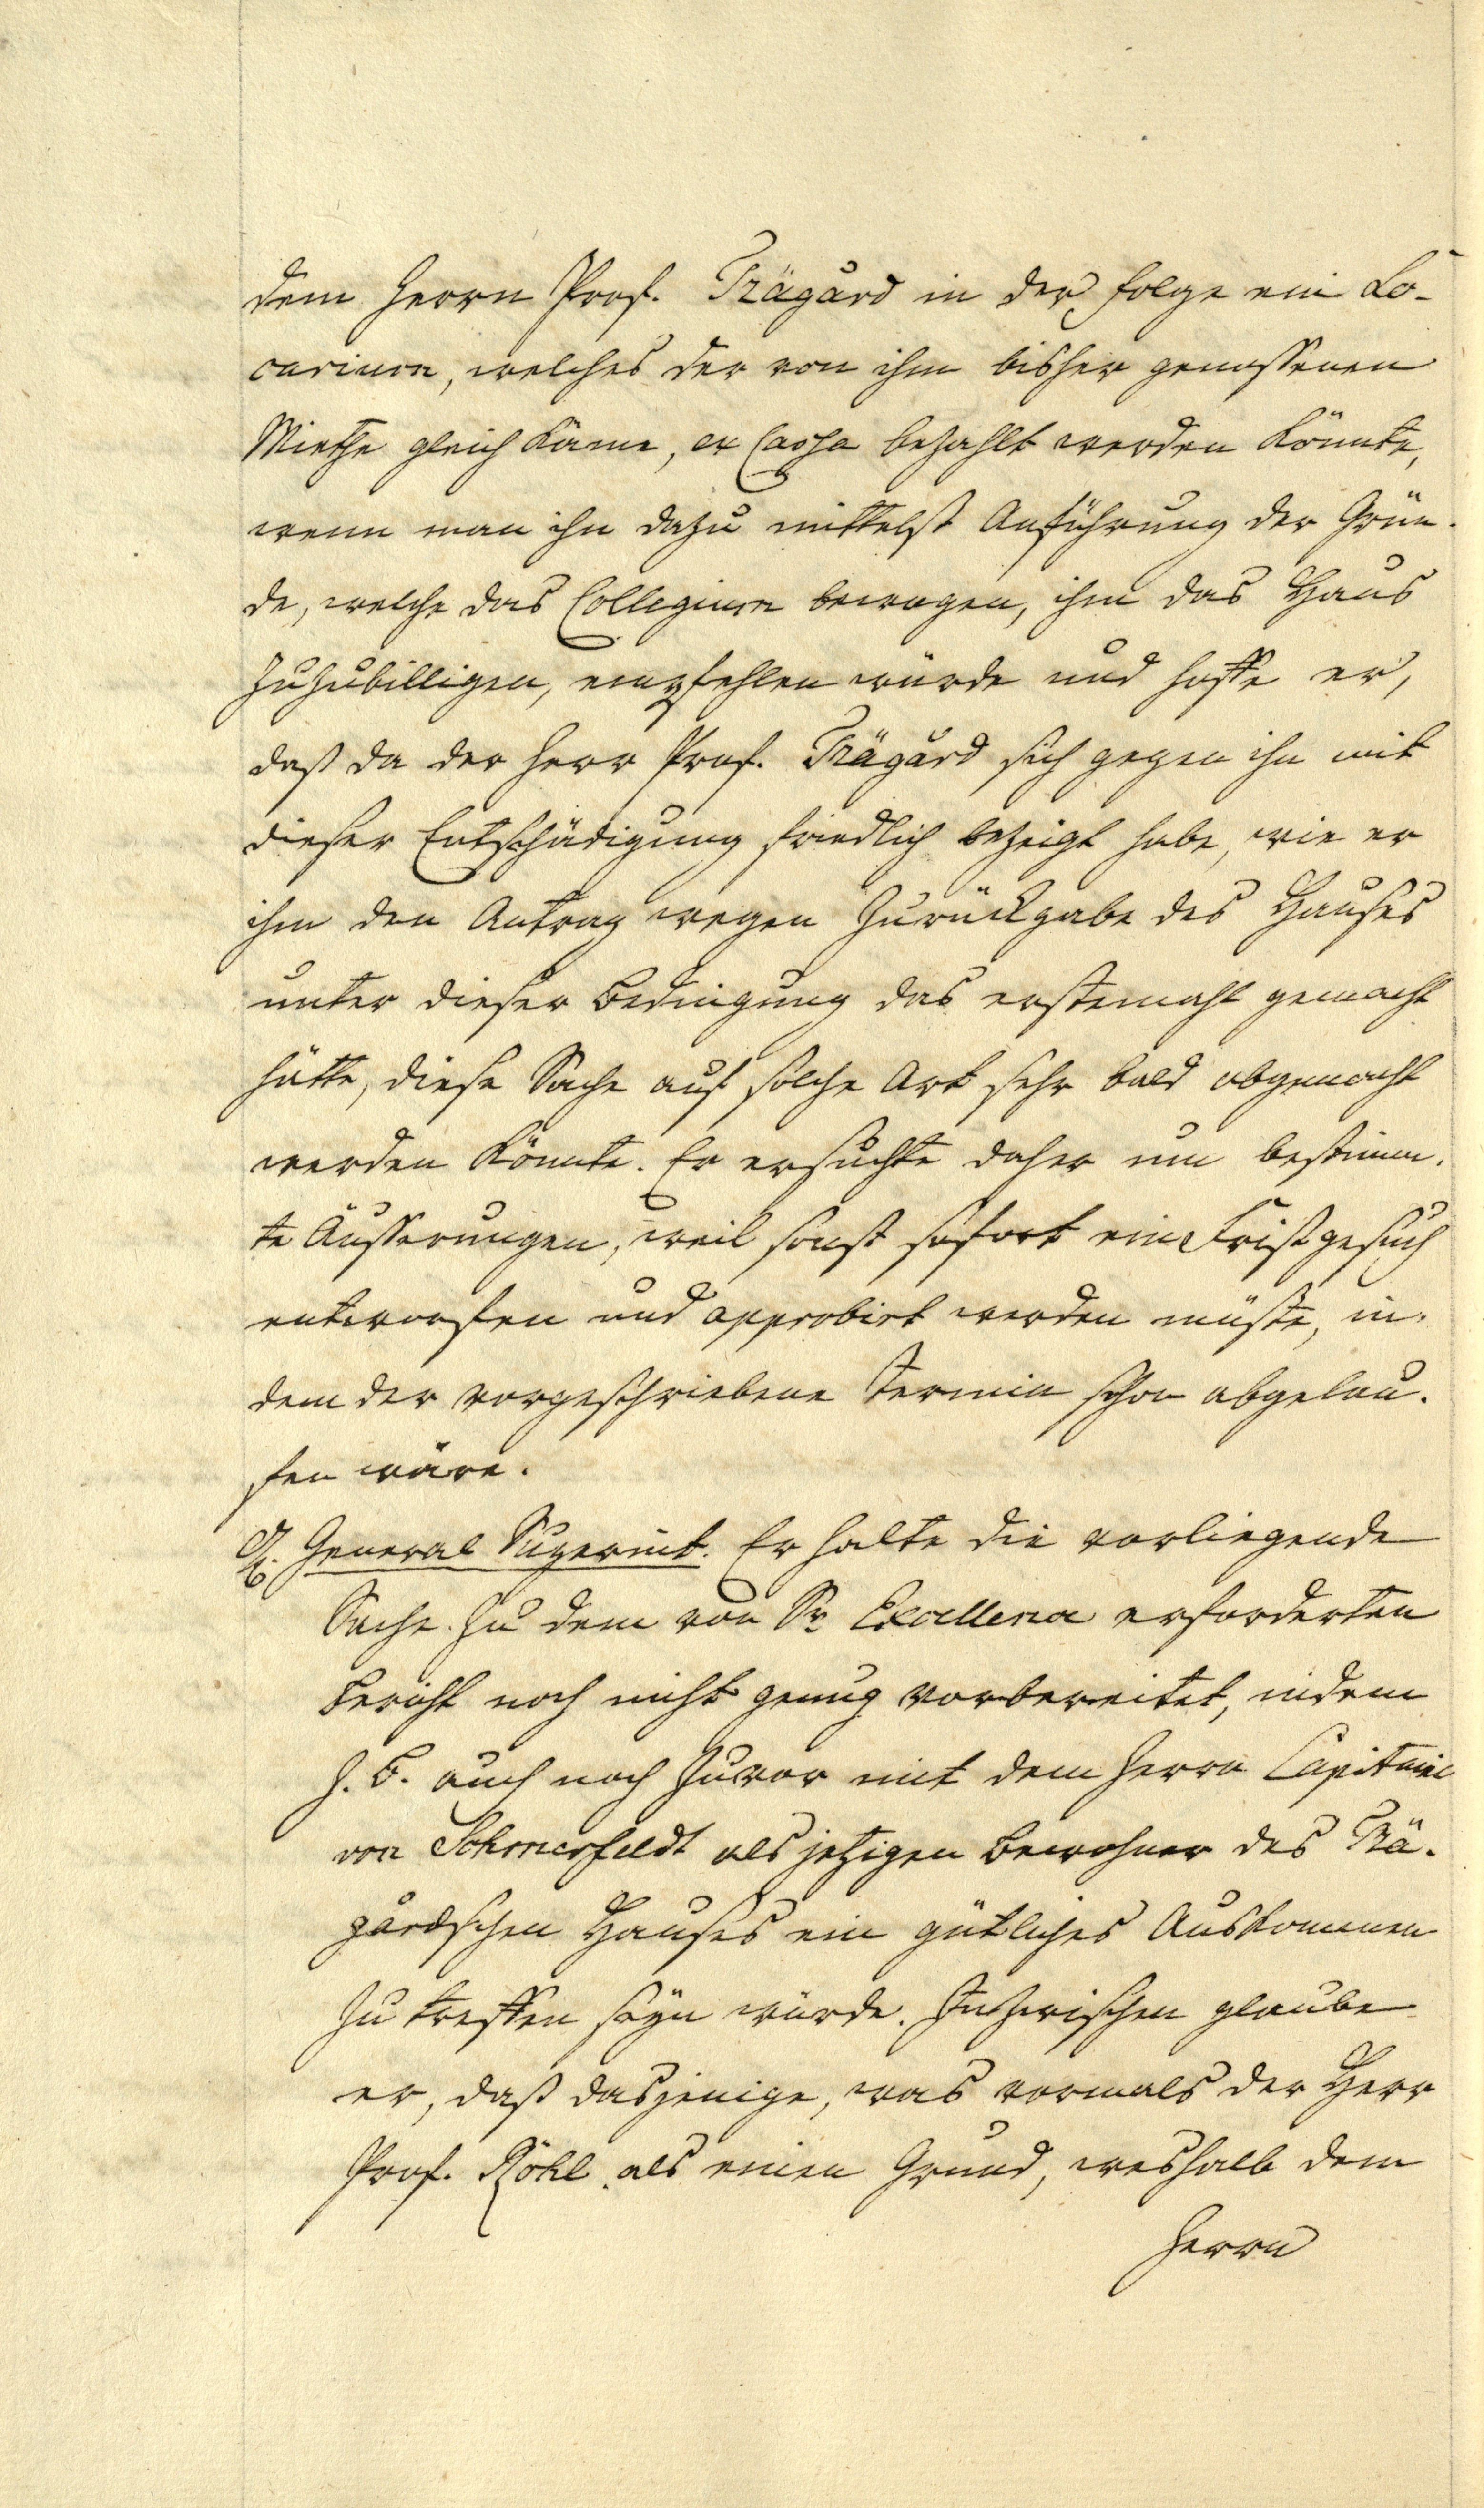dem Herrn Prof. Trägård in der Folge ein Lo¬
carium, welches der von ihm bisher genossenen
Miethe gleich käme, ex Cassa bezahlt werden könnte,
wenn man ihn dazu mittelst Anführung der Grün¬
de, welche das Collegium bewogen, ihm das Haus
zuzubilligen, empfehlen würde und hoffe er,
daß da der Herr Prof. Trägård sich gegen ihn mit
dieser Entschädigung friedlich bezeigt habe, wie er
ihm den Antrag wegen Zurückgabe des Hauses
unter dieser Bedingung das erstemahl gemacht
hätte, diese Sache auf solche Art sehr bald abgemacht
werden könnte. Er ersuchte daher um bestimm¬
te Äusserungen, weil sonst sofort ein Fristgesuch
entworfen und approbirt werden müßte, in¬
dem der vorgeschriebene Termin schon abgelau¬
fen wäre.
dh. General Superint. Er halte die vorliegende
Sache zu dem von Sr. Excellence erforderten
Bericht noch nicht genug vorbereitet, indem
z. B. auch noch zuvor mit dem Herrn Capitaine
von Schmerfeldt als jetzigen Bewohner des Trä¬
gårdschen Hauses ein gütliches Auskommen
zu treffen seÿn würde. Inzwischen glaube
er, daß dasjenige, was vormals der Herr
Prof. Röhl als einen Grund, weshalb dem
Herrn